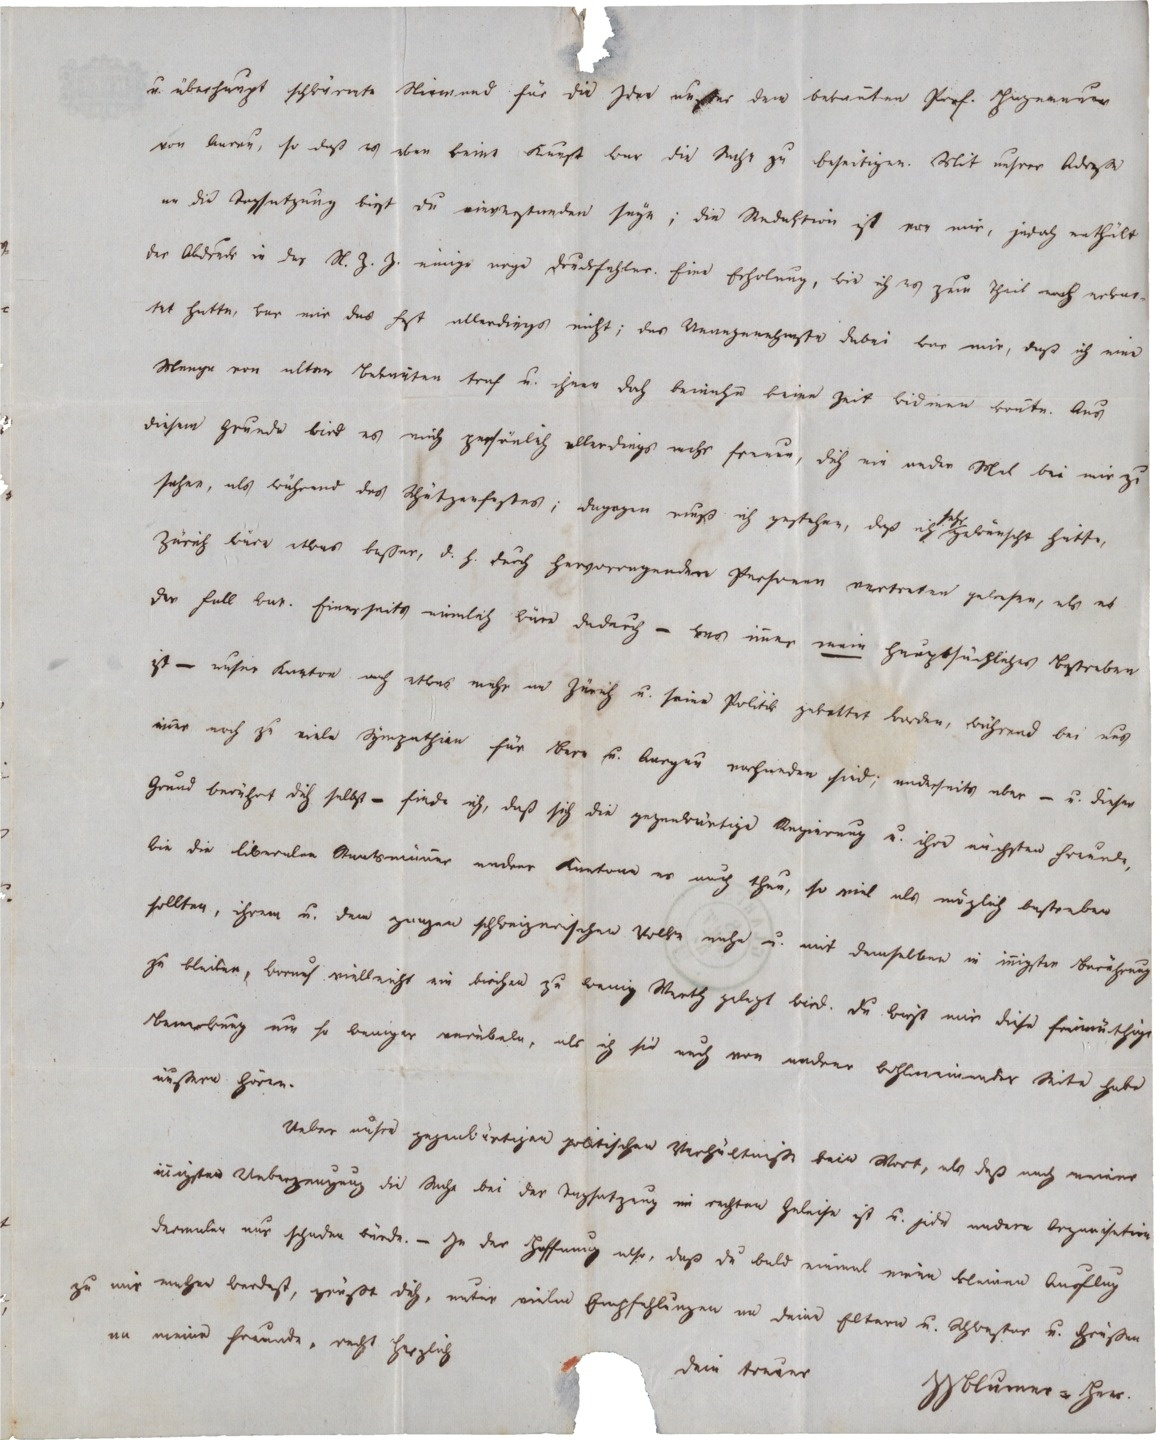u. überhaupt schwärmte Niemand für die Idee außer dem bekannten Prof. Hagenauer
von Aarau, so daß es eben keine Kunst war die Sache zu beseitigen. Mit unsrer Adresse
an die Tagsatzung wirst Du einverstanden seyn; die Redaktion ist von mir, jedoch enthält
der Abdruck in der N.Z.Z. einige arge Druckfehler. Eine Erholung, wie ich es zum Theil noch erwar-
tet hatte, war mir das Fest allerdings nicht; das Unangenehmste dabei war mir, daß ich eine
Menge von alten Bekannten traf u. ihnen doch beinahe keine Zeit widmen konnte. Aus
diesem Grunde wird es mich persönlich allerdings mehr freuen, Dich ein ander Mal bei mir zu
sehen, als während des Schützenfestes; dagegen muß ich gestehen, daß ich sehr gewünscht hätte,
Zürich wäre etwas besser, d. h. durch hervorragendere Personen vertreten gewesen, als es
der Fall war. Einerseits nämlich wäre dadurch – was immer mein hauptsächliches Bestreben
ist – unser Kanton noch etwas mehr an Zürich u. seine Politik gekettet worden, während bei uns
immer noch zu viele Sympathien für Bern u. Aargau vorhanden sind; anderseits aber – u. dieser
Grund berührt Dich selbst – finde ich, daß sich die gegenwärtige Regierung u. ihre nächsten Freunde,
wie die liberalen Staatsmänner andrer Kantone es auch thun, so viel als möglich bestreben
sollten, ihrem u. dem ganzen schweizerischen Volke nahe u. mit demselben in innigster Berührung
zu bleiben, worauf vielleicht ein bischen zu wenig Werth gelegt wird. Du wirst mir diese freimüthige
Bemerkung um so weniger verübeln, als ich sie auch von andrer wohlmeinender Seite habe
äußern hören.
Ueber unsre gegenwärtigen politischen Verhältnisse kein Wort, als daß nach meiner
innigsten Ueberzeugung die Sache bei der Tagsatzung im rechten Geleise ist u. jede andere Organisation
dermalen nur schaden würde. – In der Hoffnung also, daß Du bald einmal einen kleinen Ausflug
zu mir machen werdest, grüßt Dich, unter vielen Empfehlungen an Deine Eltern u. Schwester u. Grüßen
an meine Freunde, recht herzlich
Dein treuer
J J Blumer-Heer.